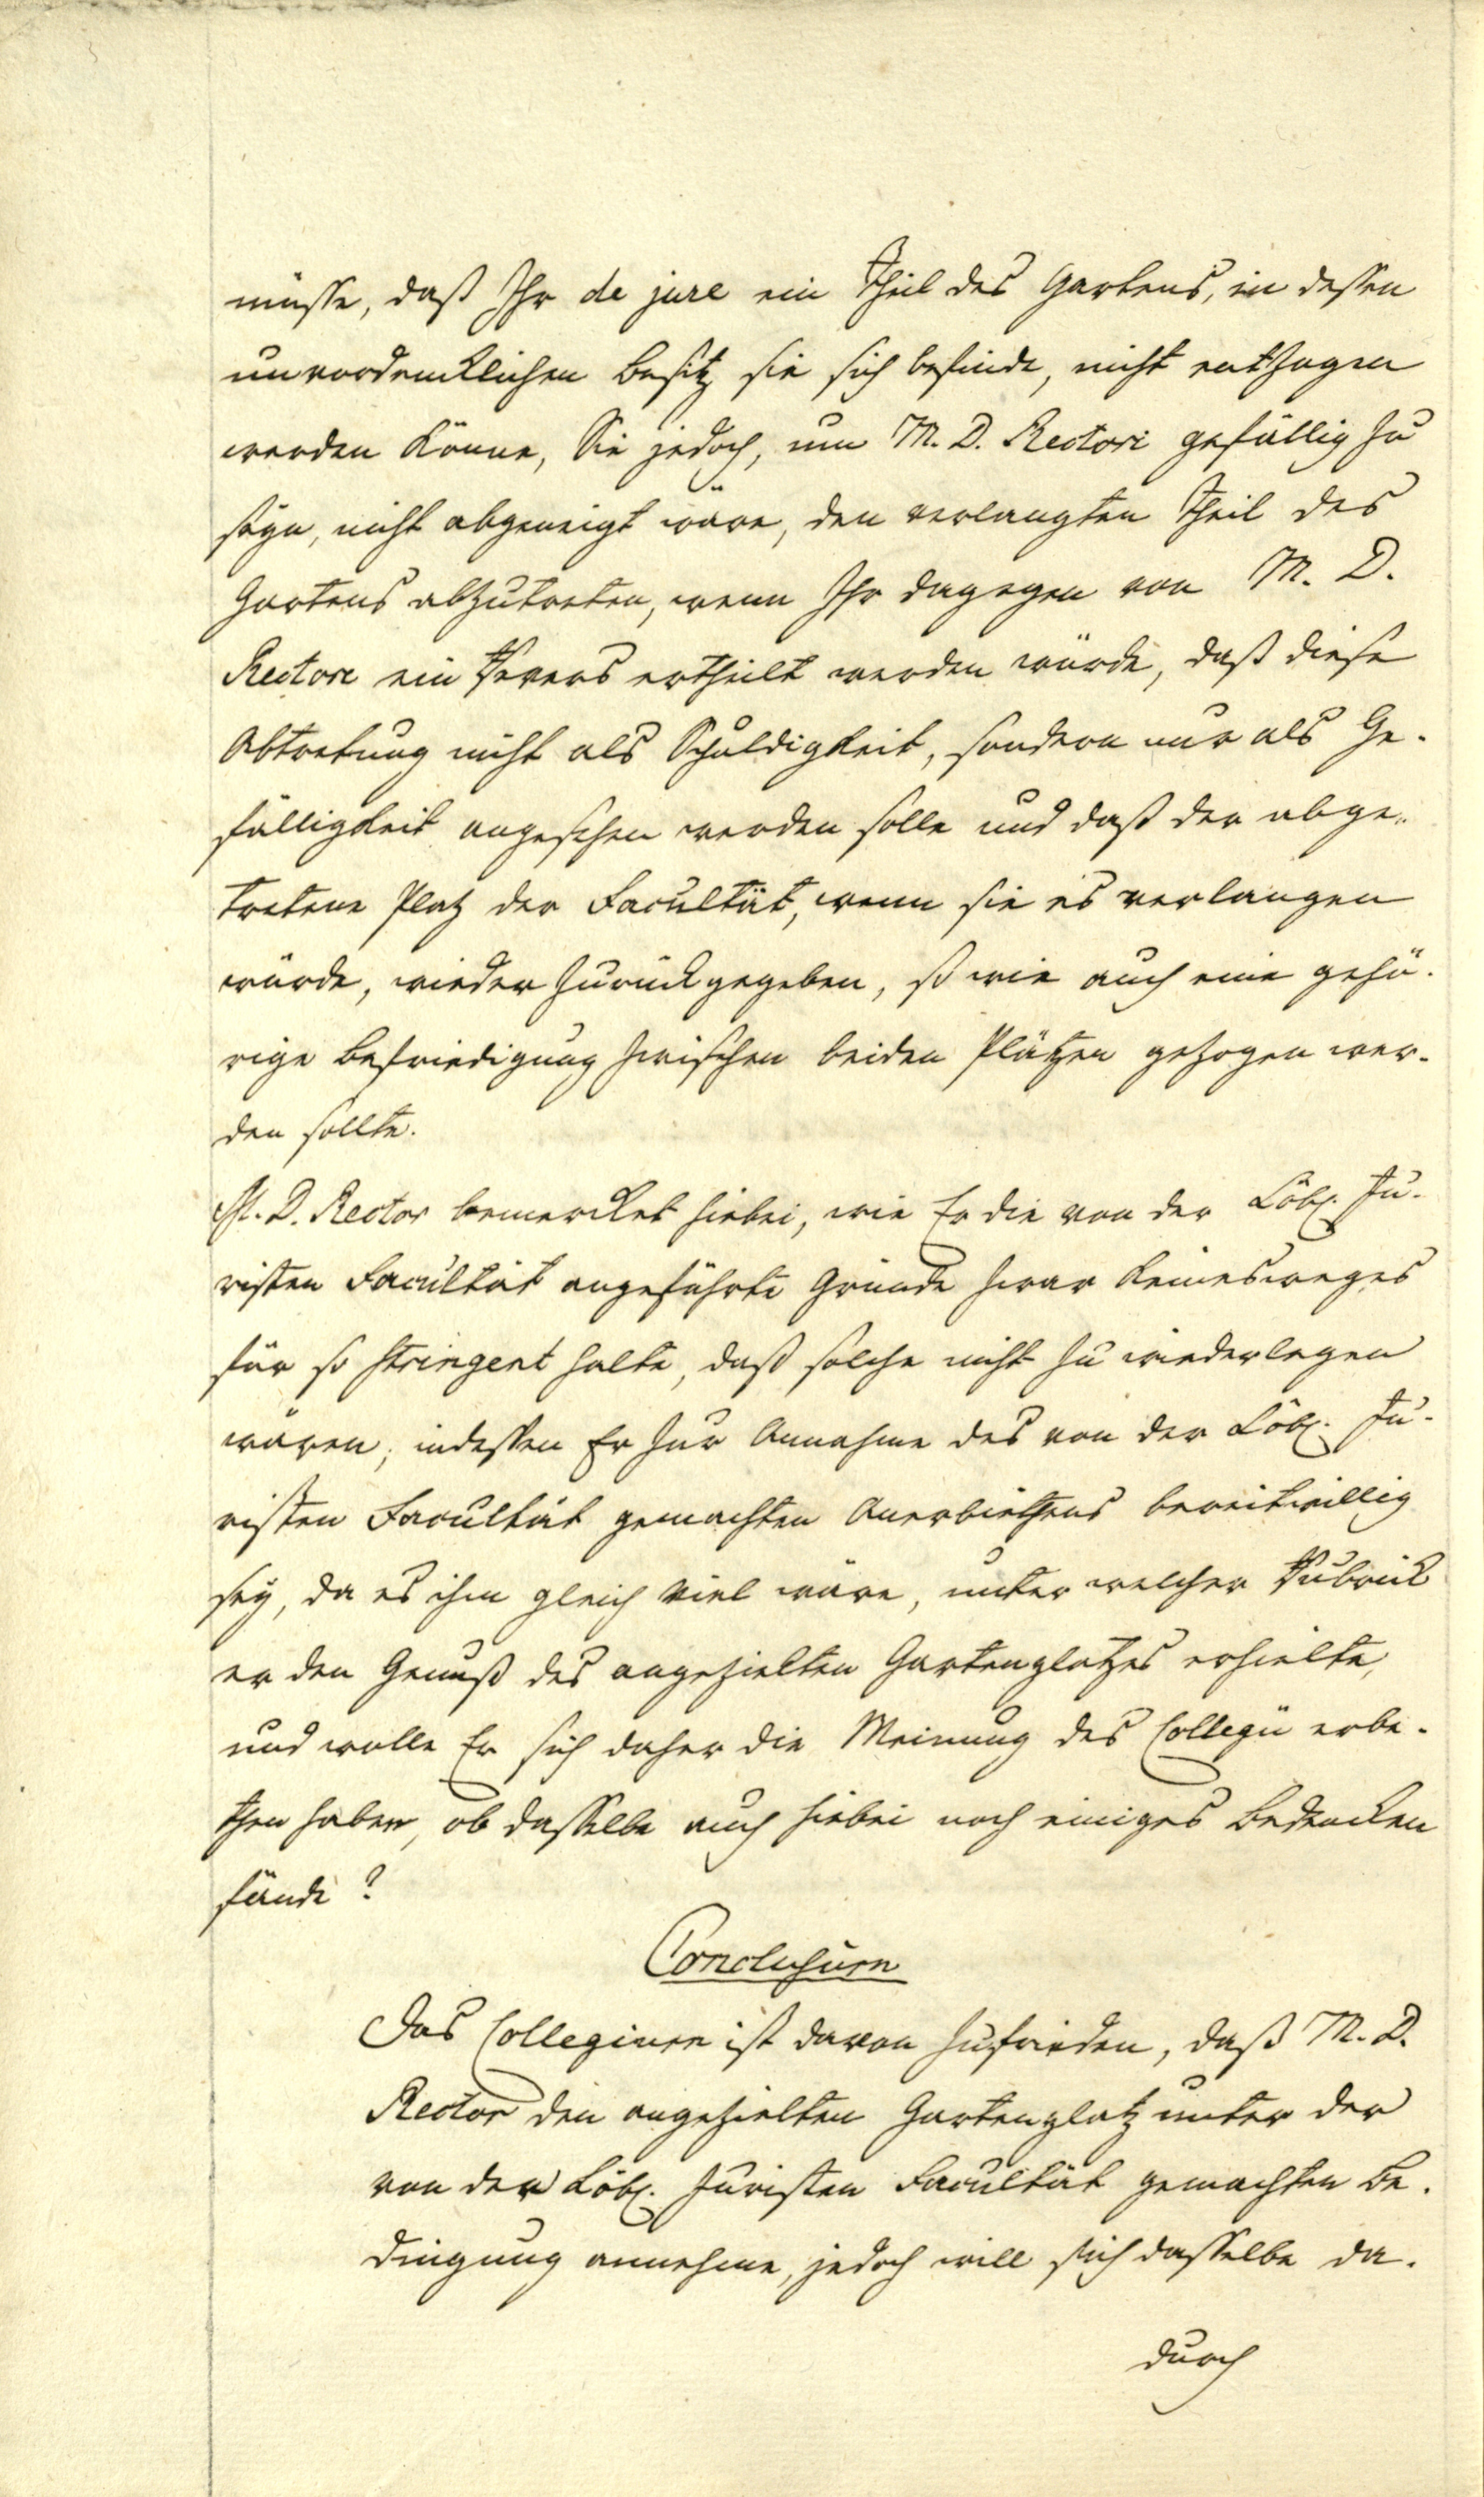müsse, daß Ihr de jure ein Theil des Gartens, in dessen
unvordencklichen Besitz sie sich befinde, nicht entzogen
werden könne, Sie jedoch, um M. D. Rectori gefällig zu
seÿn, nicht abgeneigt wäre, den verlangten Theil des
Gartens abzutreten, wenn Ihr dagegen von M. D.
Rectore ein Revers ertheilt werden würde, daß diese
Abtretung nicht als Schuldigkeit, sondern nur als Ge¬
fälligkeit angesehen werden solle und daß der abge¬
tretene Platz der Facultät, wenn sie es verlangen
würde, wieder zurück gegeben, so wie auch eine gehö¬
rige Befriedigung zwischen beiden Plätzen gezogen wer¬
den sollte.
M. D. Rector bemercket hiebei, wie Er die von der Löbl. Ju¬
risten Facultät angeführte Gründe zwar keinesweges
für so stringent halte, daß solche nicht zu wiederlegen
wären, indessen Er zur Annahme des von der Löbl. Ju¬
risten Facultät gemachten Anerbiethens bereitwillig
seÿ, da es ihm gleich viel wäre, unter welcher Rubrick
er den Genuß des angezielten Gartenplatzes erhielte,
und wolle Er sich daher die Meinung des Collegii erbe¬
then haben, ob dasselbe auch hiebei noch einiges Bedencken
fände?
Conclusum
Das Collegium ist davon zufrieden, daß M. D.
Rector den angezielten Gartenplatz unter der
von der Löbl. Juristen Facultät gemachten Be¬
dingung annehmen, jedoch wie sich dasselbe da¬
durch